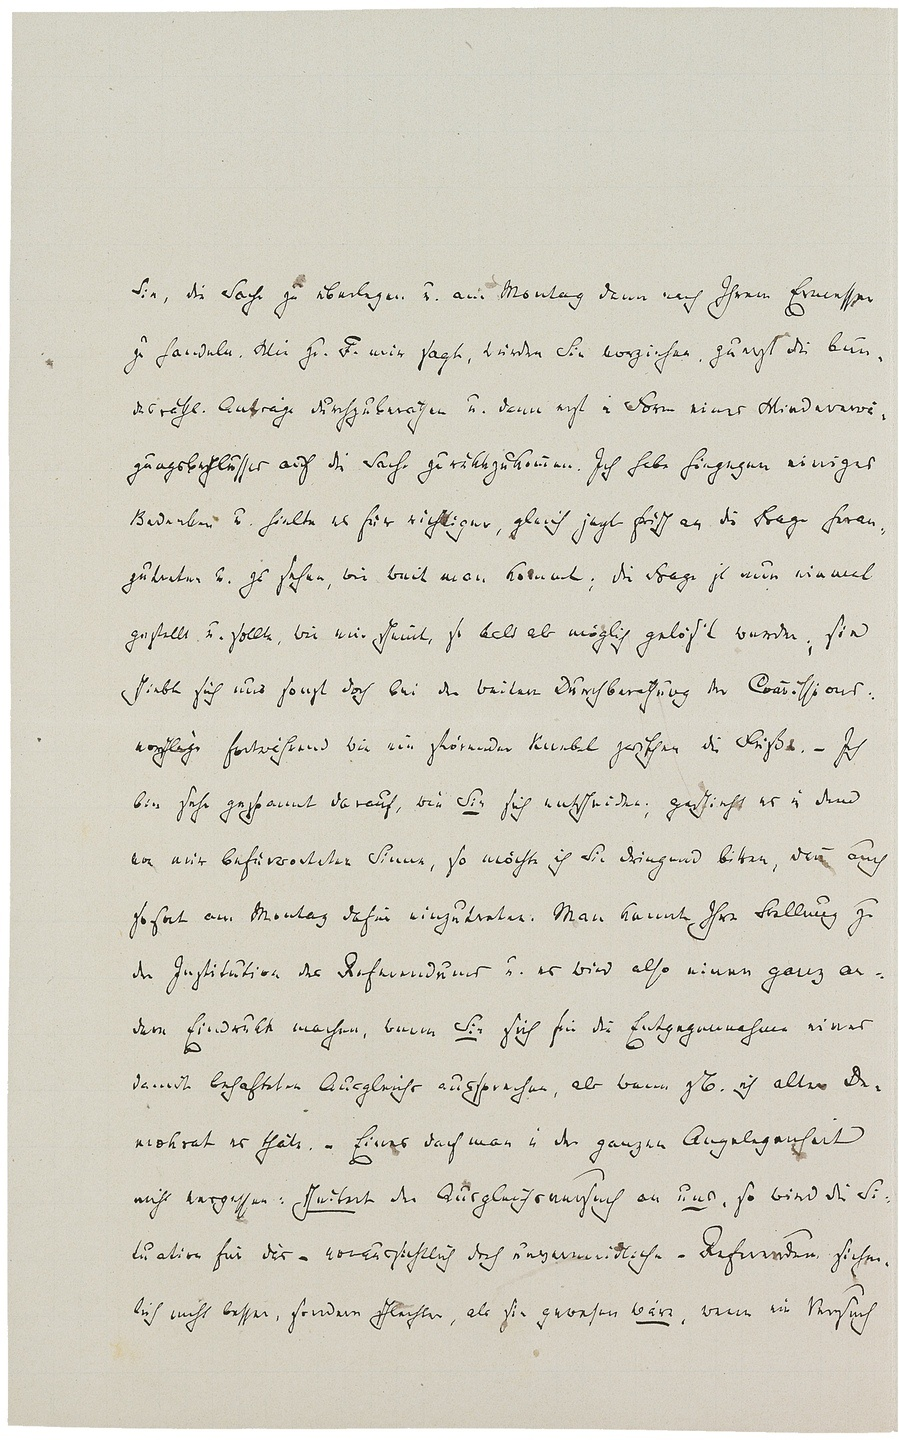Sie, die Sache zu überlegen u. am Montag dann nach Ihrem Ermessen
zu handeln. Wie Hr. F. mir sagte, würden Sie vorziehen zuerst die bun-
desräthl. Anträge durchzuberathen u. dann erst in Form eines Wiedererwä-
gungsbeschlusses auf die Sache zurükkzukommen. Ich habe hiegegen einiges
Bedenken u. hielte es für richtiger, gleich jezt frisch an die Frage heran-
zutreten u. zu sehen, wie weit man kommt; die Frage ist nun einmal
gestellt u. sollte, wie mir scheint, so bald als möglich gelöst werden; sie
schiebt sich uns sonst doch bei der weitern Durchberathung der Commissions-
vorschläge fortwährend wie ein störender Knebel zwischen die Füße. – Ich
bin sehr gespannt darauf, wie Sie sich entscheiden; geschieht es in dem
von mir befürworteten Sinne, so möchte ich Sie dringend bitten, dann auch
sofort am Montag dafür einzutreten. Man kennt Ihre Stellung zu
der Institution des Referendums u. es wird also einen ganz an-
dern Eindrukk machen, wenn Sie sich für die Entgegennahme eines
damit behafteten Ausgleichs aussprechen, als wenn zB. ich alter De-
mokrat es thäte. – Eines darf man in der ganzen Angelegenheit
nicht vergessen: scheitert der Ausgleichsversuch an uns, so wird die Si-
tuation für das – voraussichtlich doch unvermeidliche – Referendum sicher-
lich nicht besser, sondern schlechter, als sie gewesen wäre, wenn ein Versuch